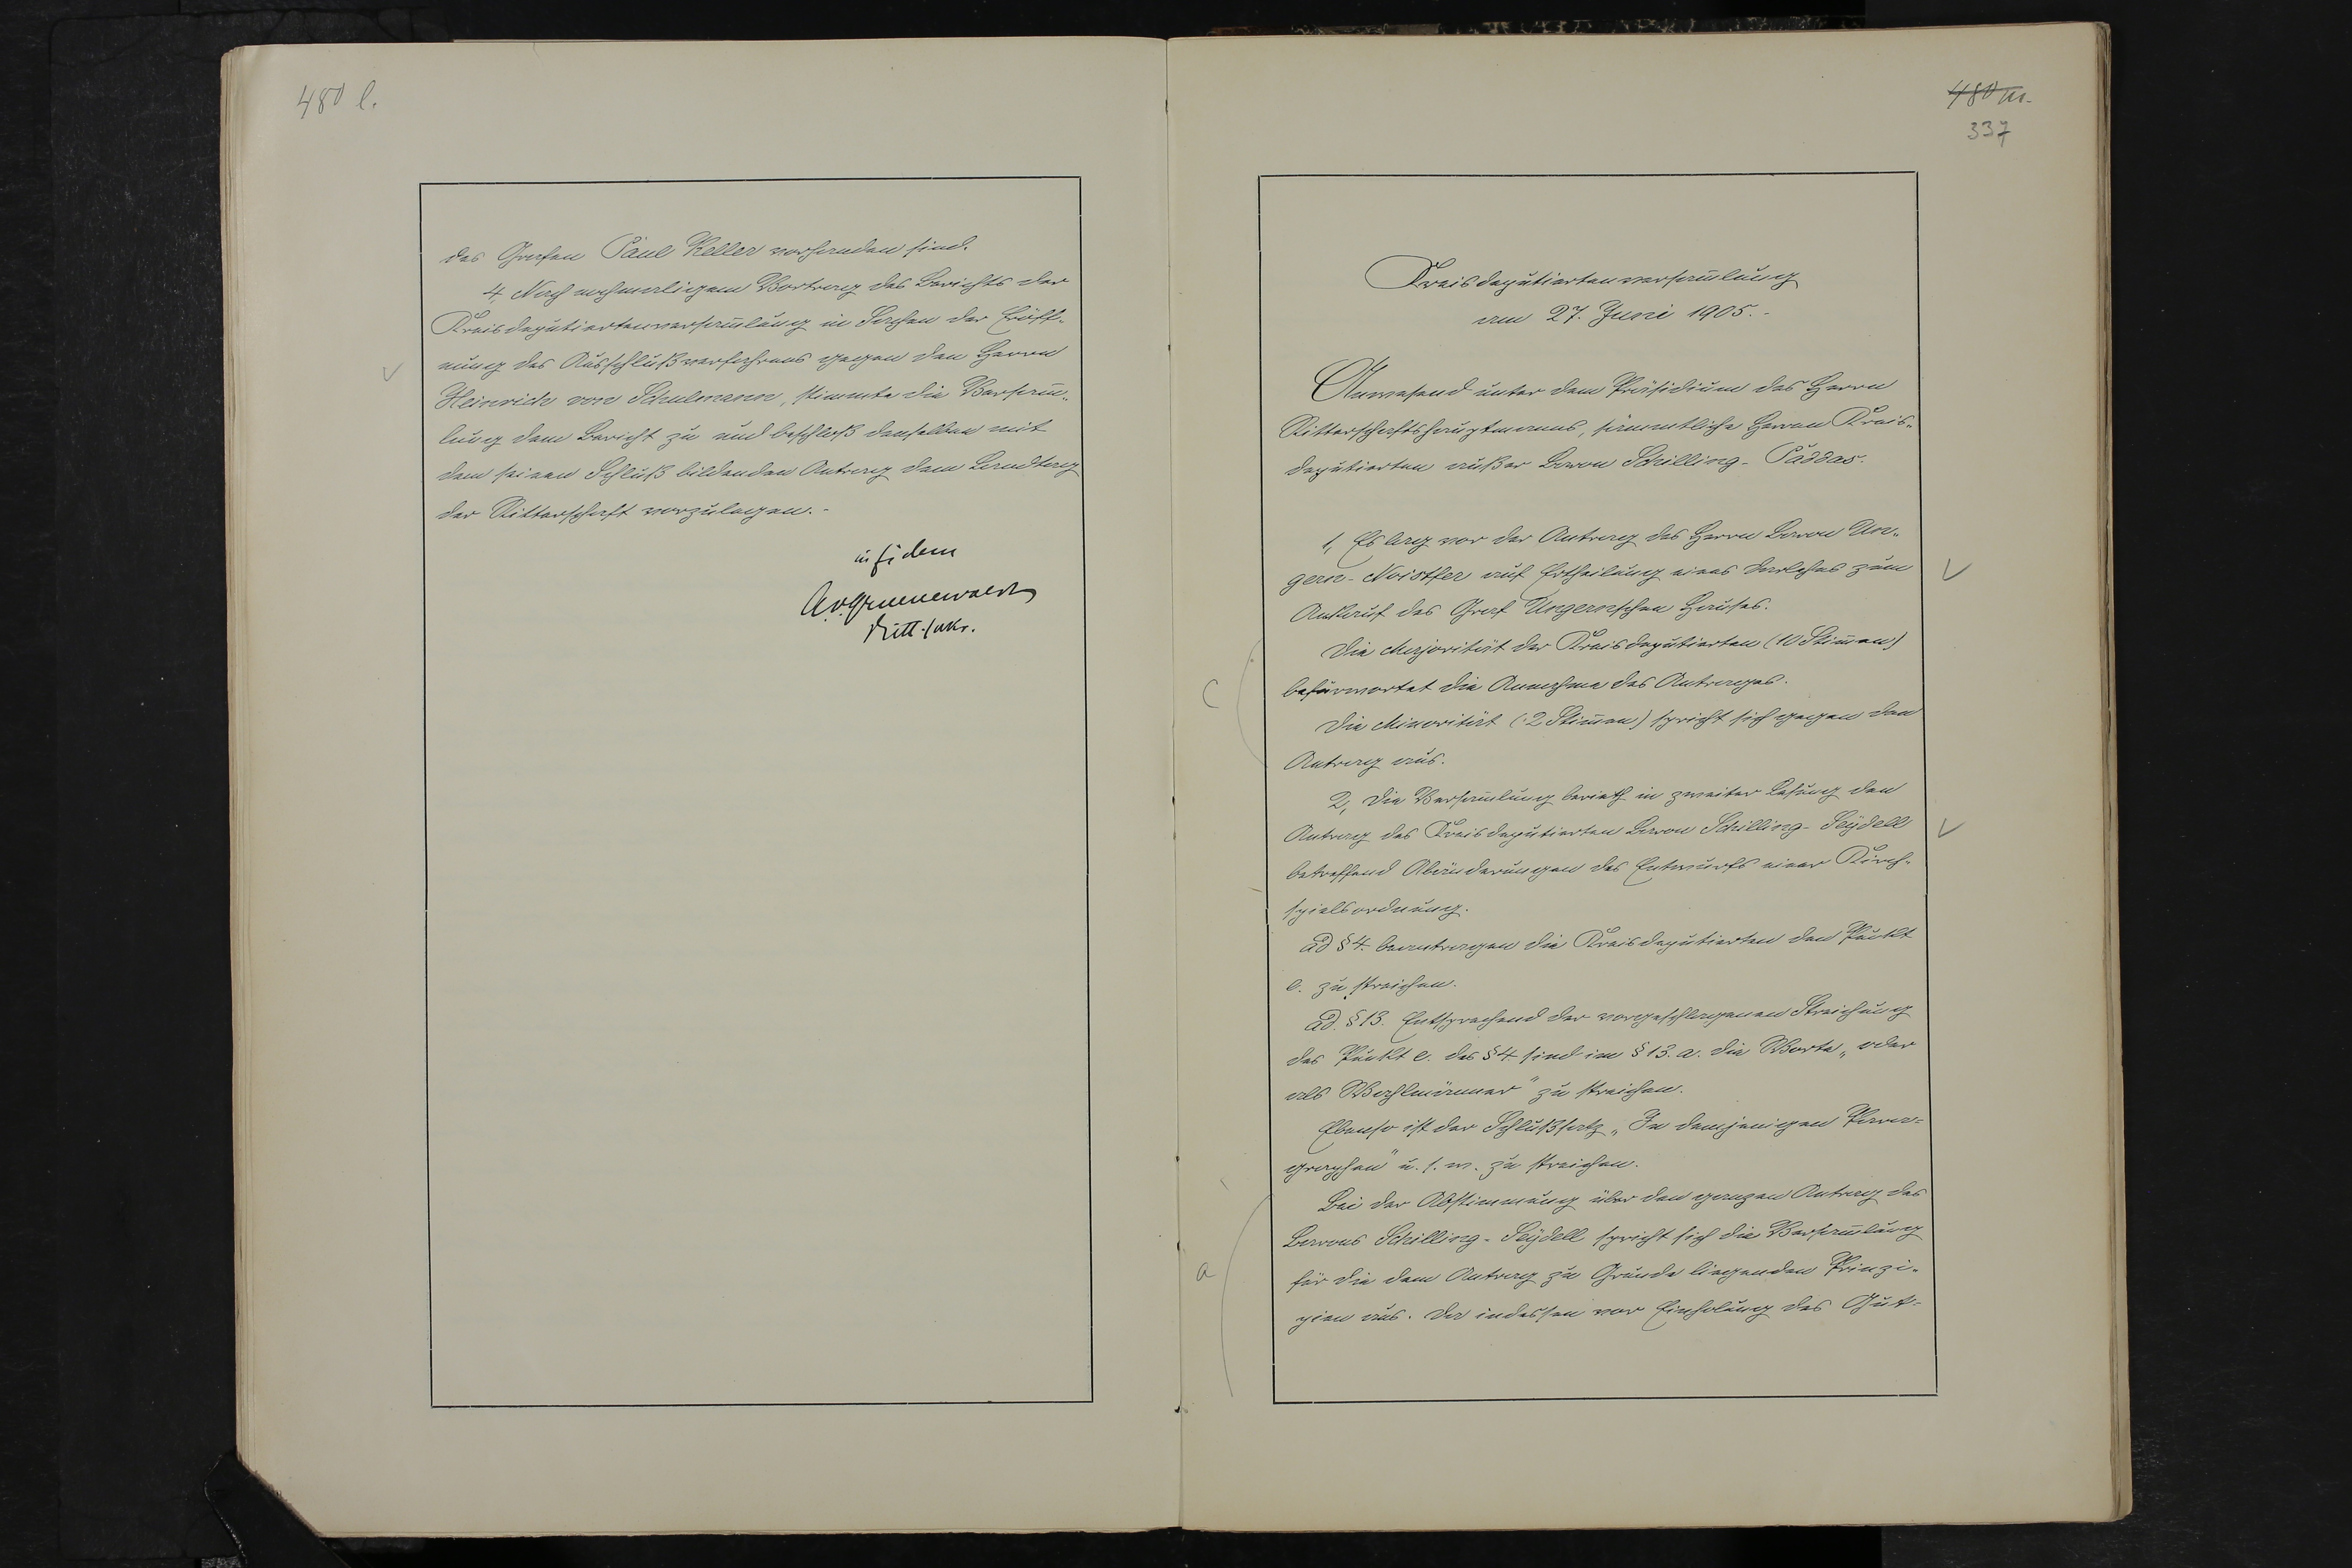des Grafen Paul Keller vorhanden sind.
4. Nach nochmaligem Vortrag des Berichts der
Kreisdeputiertenversammlung in Sachen der Eröff-
nung des Ausschlußverfahrens gegen den Herrn
Heinrich von Schulmann, stimmte die Versamm-
lung dem Bericht zu und beschloß denselben mit
dem seinen Schluß bildenden Antrag dem Landtag
der Ritterschaft vorzulegen.
in fidem
A.v.Gruenewaldt
Ritt.sekr.
Kreisdeputiertenversammlung
am 27. Juni 1905.
Anwesend unter dem Präsidium des Herrn
Ritterschaftshauptmanns, sämmtliche Herren Kreis-
deputierten, außer Baron Schilling-Paddas.
1. Es lag vor der Antrag des Herrn Baron Un-
gern-Noistfer auf Ertheilung eines Darlehns zum
Ankauf des Graf Ungernschen Hauses.
Die Majorität der Kreisdeputierten (10 Stimmen)
befürwortet die Annahme des Antrages.
Die Minorität (2 Stimmen) spricht sich gegen den
Antrag aus.
2. Die Versammlung berieth in zweiter Lesung den
Antrag des Kreisdeputierten Baron Schilling-Seydell
betreffend Abänderungen des Entwurfs einer Kirch-
spielsordnung.
ad § 4. beantragen die Kreisdeputierten den Punkt
e. zu streichen.
ad § 13. Entsprechend der vorgeschlagenen Streichung
des Punkt e. des § 4. sind im § 13.a. die Worte „oder
als Wahlmänner“ zu streichen.
Ebenso ist der Schlußsatz „In demjenigen Para-
graphen“ u.s.w. zu streichen.
Bei der Abstimmung über den ganzen Antrag des
Barons Schilling-Seydell spricht sich die Versammlung
für die dem Antrag zu Grunde liegenden Prinzi-
pien aus. Da indessen vor Einholung des Gut-